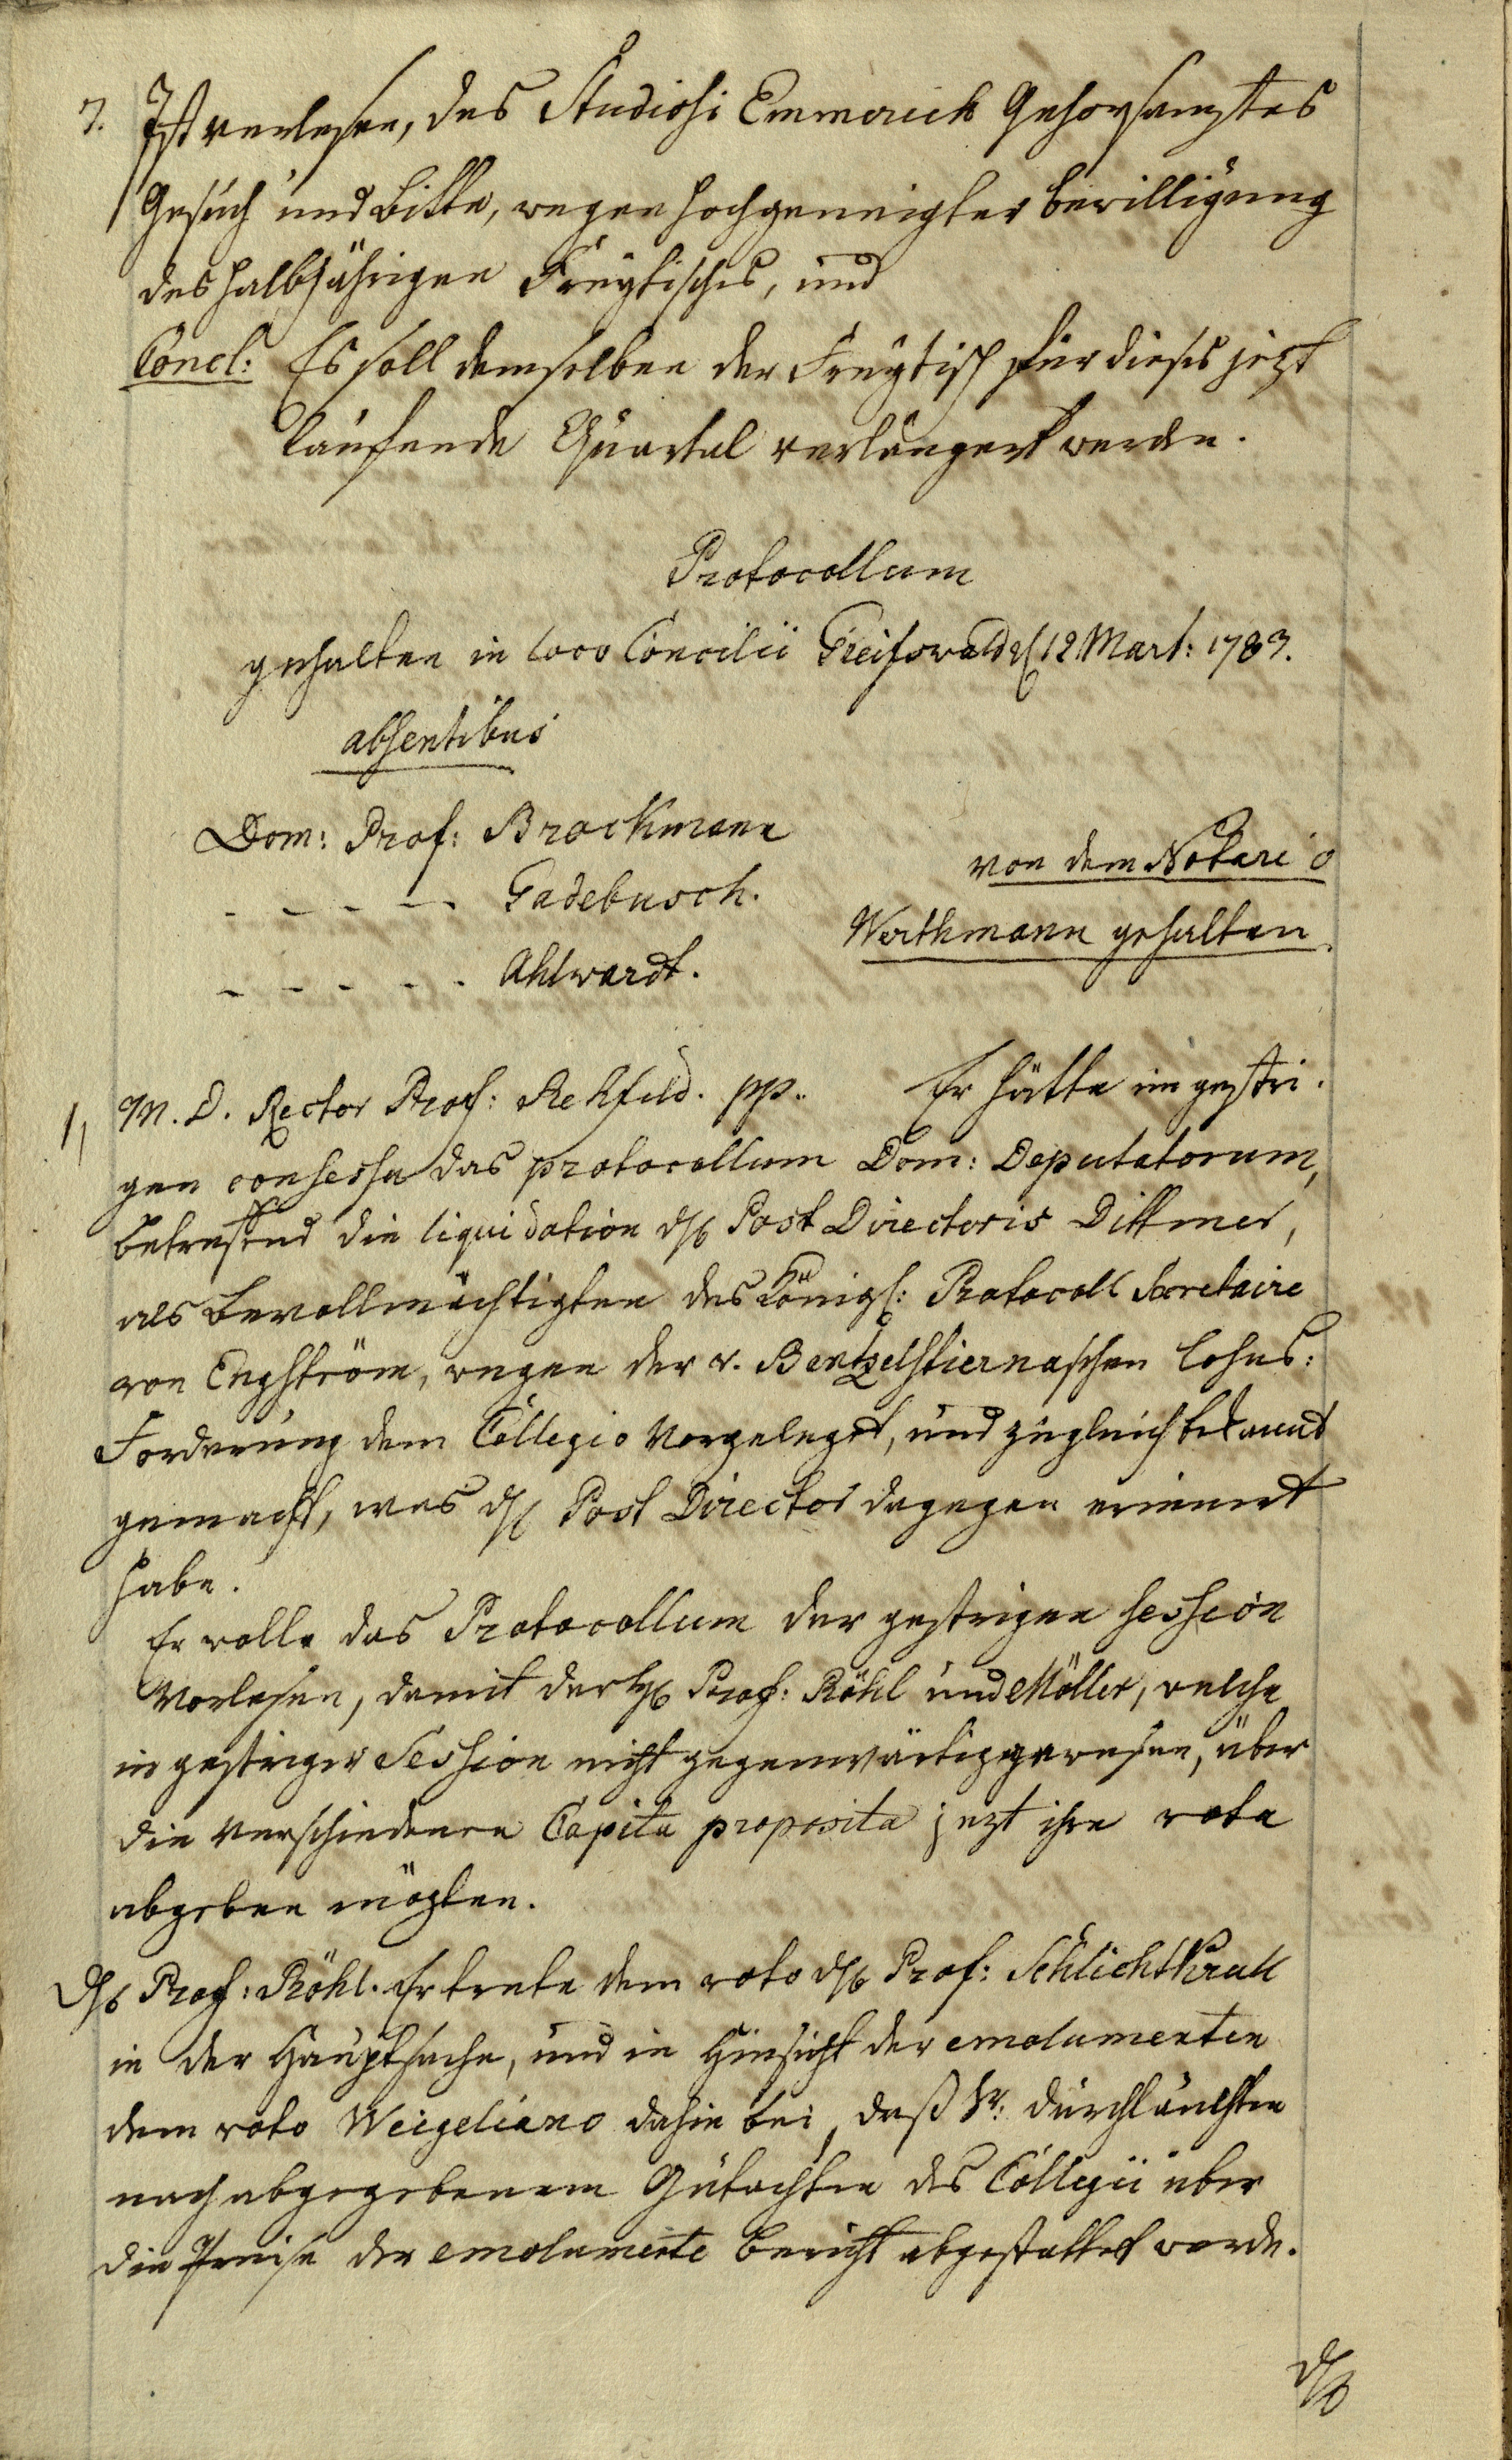7. Ist verlesen, des Studiosi Emmerich gehorsamstes
Gesuch und Bitte, wegen hochgeneigter Bewilligung
es halbjährigen Freÿtisches, und
Concl. Es soll demselben der Freÿtisch für dieses jezt
laufende Quartal verlängert werden.
Protocollum
gehalten in loco Concilii Greifswald d 12 Mart. 1783.
absentibus
Dom. Prof. Brockmann
Gadebusch.
von dem Notario
Werthmann gehalten.
Ahlwardt.
1, M. D. Rector Prof. Rehfeld pp. Er hätte im gestri¬
gen consessu das protocollum Dom. Deputatorum,
betreffend die liquidation dh Post Directors Dittmer,
als Bevollmächtigten des Königl. Protocoll Secretaire
von Engström, wegen der v. Bentzelstiernaschen Lohns-
Forderung dem Collegio vorgeleget, und zugleich bekannt
gemacht, was dh Post Director dagegen erinnert
habe.
Er wolle das Protocollum der gestrigen session
vorlesen, damit dh Prof. Röhl und Möller, welche
in gestriger Session nicht gegenwärtig gewesen, über
die verschiedenen Capitu proposita jezt ihre vota
abgeben mögten.
dh Prof. Röhl. Er trete dem voto dh Prof. Schlichtkrull
in der Hauptsache, und in Hinsicht der emolumenten
dem voto Weigeliano dahin bei, daß Sr Durchlauchten
nach abgegebenen Gutachten des Collegii über
die Preise der emolumente Bericht abgestattet werde.